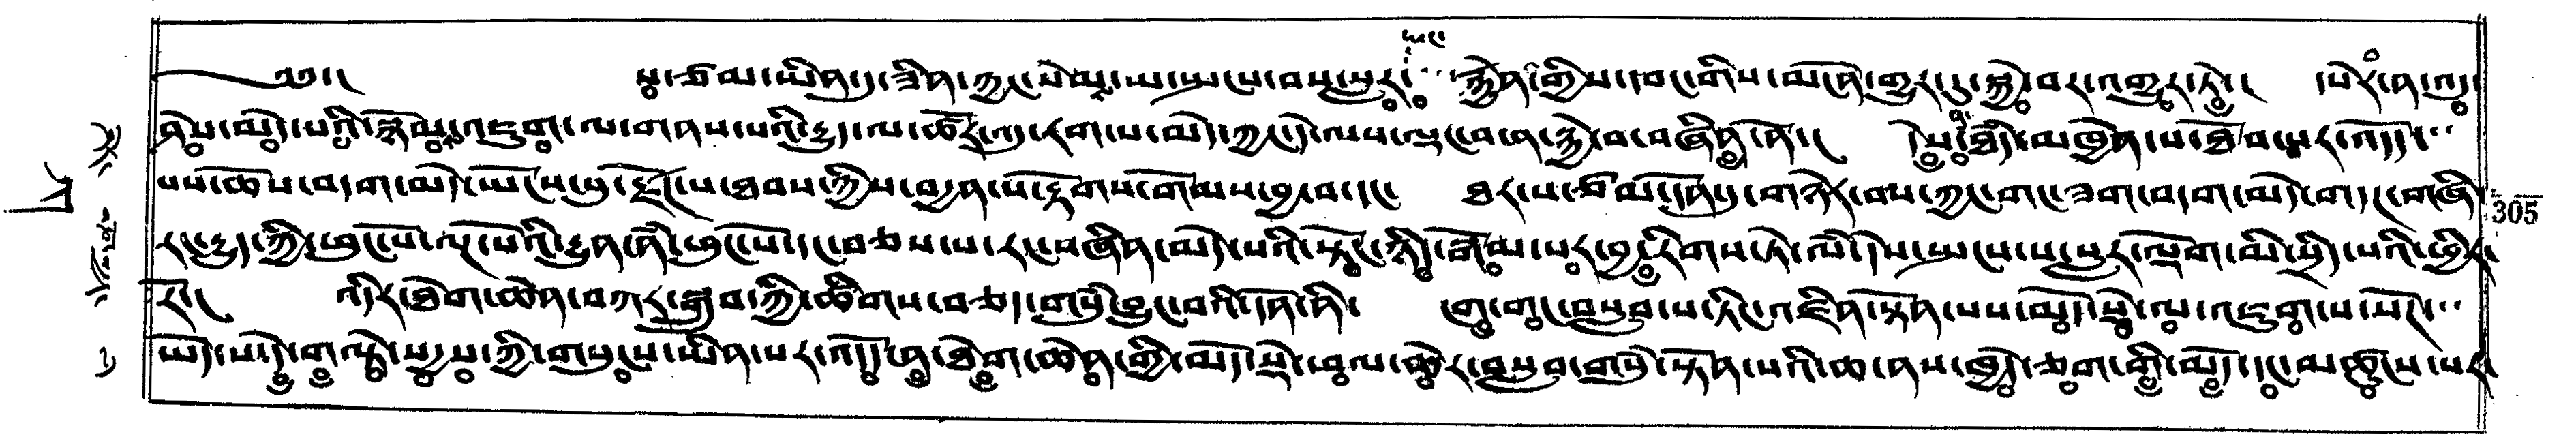པ་ཙམ་ཡིན་དུ་ཟིན་ཀྱང་སེམས་མ་སྤངས་བས་སླར་ཡང་རྐྱེན་གྱིས་དབང་གིས་མངོན་གྱུར་དུ་སྐྱེ་བར་འགྱུར་ཏེ། དཔེར་ན་འདུ་
ཤེས་མེད་པའི་སྙོམས་འཇུག་ལ་གནས་པའི་རྒྱུད་ལ་ཚོར་འདུ་རགས་པ་མེད་ཀྱང་དེ་ལས་ལྡང་བ་ན་སྐྱེ་བ་བཞིན་ནོ། དེས་ན་ཐམས་ཅད་མཁྱེན་པ་ཐོབ་པར་འདོད་
པས་ཆོས་བདག་མེད་ཡོངས་སུ་རྫོགས་པ་ཐབས་ཀྱིས་བརྒྱན་པ་རྟོགས་གོམས་བྱ་བ་དང་།ཐར་པ་ཙམ་དོན་དུ་གཉེར་བས་ཀྱང་གང་ཟག་བདག་མེད་གདགས་གཞི་
རང་རྒྱུད་ཀྱི་ཕུང་པོ་ལྔ་པོའི་རྒྱུན་ནམ་ཕུང་པོ་དང་བཅས་པ་རང་བཞིན་མེད་པའི་སྟོང་ཉིད་སྒོམ་པར་བྱ་རིགས་ཏེ་ལམ་དེས་སྤངས་པ་སླར་ལྡོག་མི་སྲིད་པའི་ཕྱིར་
རོ། འདིར་ཐེག་ཆེན་བཀར་སྒྲུབ་ཀྱི་ཚིགས་བཅད་གསུམ་བྱུང་བའི་དོན་ནི། ངག་གང་བསླབ་པ་ཏིང་འཛིན་སྟོན་པས་མདོ་སྡེ་ལ་འཇུག་པ་སོགས་
ཡོད་པ་དེ་གལ་ཏེ་སངས་རྒྱས་ཀྱི་གསུངས་ཡིན་པར་འདོད་ན་ཐེག་ཆེན་གྱི་མདོ་སྡེ་ཕལ་ཆེར་བསླབ་གསུམ་སྟོན་པའི་ཆ་ནས་ཁྱེད་ཅག་གི་མདོ་དང་མཚུངས་པར་